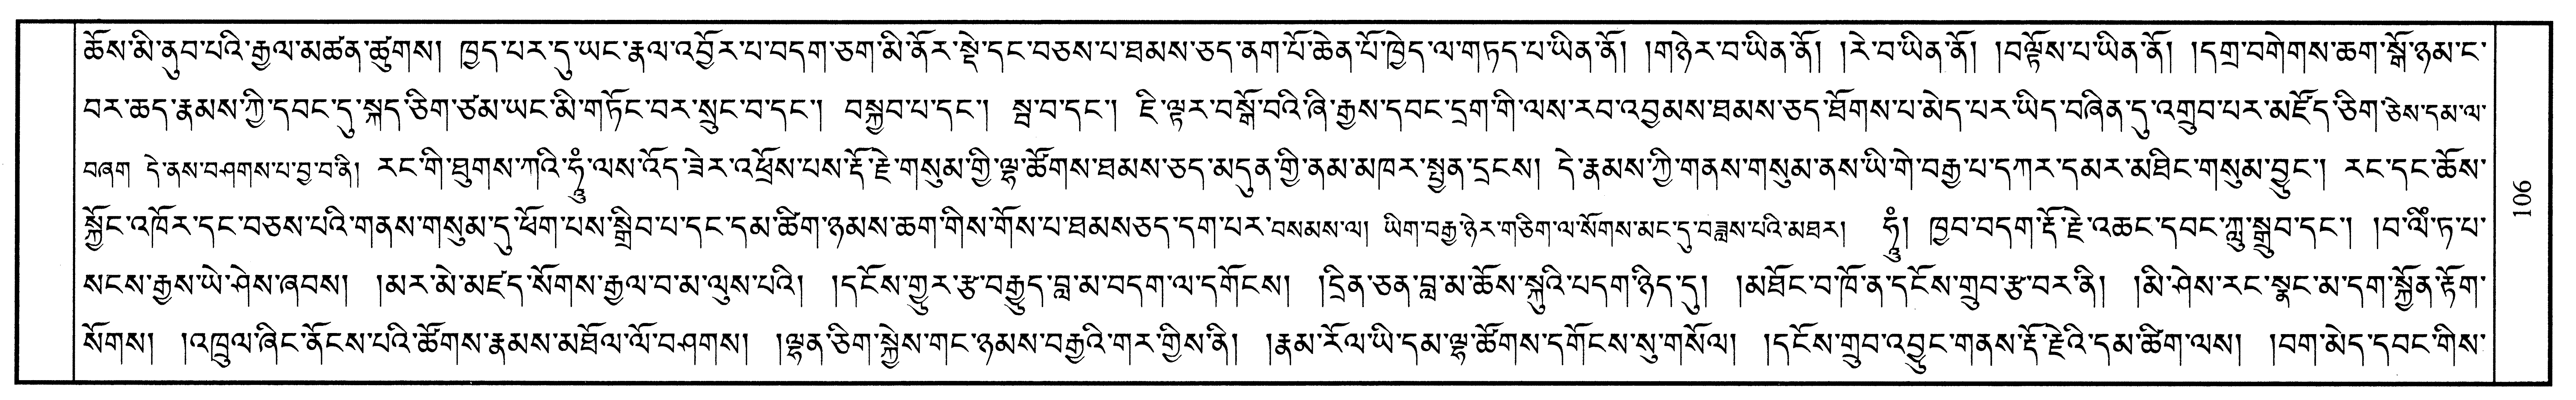ཆོས་མི་ནུབ་པའི་རྒྱལ་མཚན་ཚུགས། ཁྱད་པར་དུ་ཡང་རྣལ་འབྱོར་པ་བདག་ཅག་མི་ནོར་སྡེ་དང་བཅས་པ་ཐམས་ཅད་ནག་པོ་ཆེན་པོ་ཁྱེད་ལ་གཏད་པ་ཡིན་ནོ། །གཉེར་བ་ཡིན་ནོ། །རེ་བ་ཡིན་ནོ། །བལྟོས་པ་ཡིན་ནོ། །དགྲ་བགེགས་ཆག་སྒོ་ཉམ་ང་
བར་ཆད་རྣམས་ཀྱི་དབང་དུ་སྐད་ཅིག་ཙམ་ཡང་མི་གཏོང་བར་སྲུང་བ་དང་། བསྐྱབ་པ་དང་། སྦ་བ་དང་། ཇི་ལྟར་བསྒོ་བའི་ཞི་རྒྱས་དབང་དྲག་གི་ལས་རབ་འབྱམས་ཐམས་ཅད་ཐོགས་པ་མེད་པར་ཡིད་བཞིན་དུ་འགྲུབ་པར་མཛོད་ཅིག་ཅེས་དམ་ལ་
བཞག་དེ་ནས་བཤགས་པ་བྱ་བ་ནི། རང་གི་ཐུགས་ཀའི་ཧཱུཾ་ལས་འོད་ཟེར་འཕྲོས་པས་རྡོ་རྗེ་གསུམ་གྱི་ལྷ་ཚོགས་ཐམས་ཅད་མདུན་གྱི་ནམ་མཁར་སྤྱན་དྲངས། དེ་རྣམས་ཀྱི་གནས་གསུམ་ནས་ཡི་གེ་བརྒྱ་པ་དཀར་དམར་མཐིང་གསུམ་བྱུང་། རང་དང་ཆོས་
སྐྱོང་འཁོར་དང་བཅས་པའི་གནས་གསུམ་དུ་ཕོག་པས་སྒྲིབ་པ་དང་དམ་ཚིག་ཉམས་ཆག་གིས་གོས་པ་ཐམས་ཅད་དག་པར་བསམས་ལ། ཡིག་བརྒྱ་ཉེར་གཅིག་ལ་སོགས་མང་དུ་བཟླས་པའི་མཐར། ཧཱུཾ། ཁྱབ་བདག་རྡོ་རྗེ་འཆང་དབང་ཀླུ་སྒྲུབ་དང་། །བ་ལིཾ་ཏ་པ་
སངས་རྒྱས་ཡེ་ཤེས་ཞབས། །མར་མེ་མཛད་སོགས་རྒྱལ་བ་མ་ལུས་པའི། །དངོས་གྱུར་རྩ་བརྒྱུད་བླ་མ་བདག་ལ་དགོངས། །དྲིན་ཅན་བླ་མ་ཆོས་སྐུའི་བདག་ཉིད་དུ། །མཐོང་བ་ཁོ་ན་དངོས་གྲུབ་རྩ་བར་ནི། །མི་ཤེས་རང་སྣང་མ་དག་སྐྱོན་རྟོག་
སོགས། །འཁྲུལ་ཞིང་ནོངས་པའི་ཚོགས་རྣམས་མཐོལ་ལོ་བཤགས། །ལྷན་ཅིག་སྐྱེས་གང་ཉམས་བརྒྱའི་གར་གྱིས་ནི། །རྣམ་རོལ་ཡི་དམ་ལྷ་ཚོགས་དགོངས་སུ་གསོལ། །དངོས་གྲུབ་འབྱུང་གནས་རྡོ་རྗེའི་དམ་ཚིག་ལས། །བག་མེད་དབང་གིས་